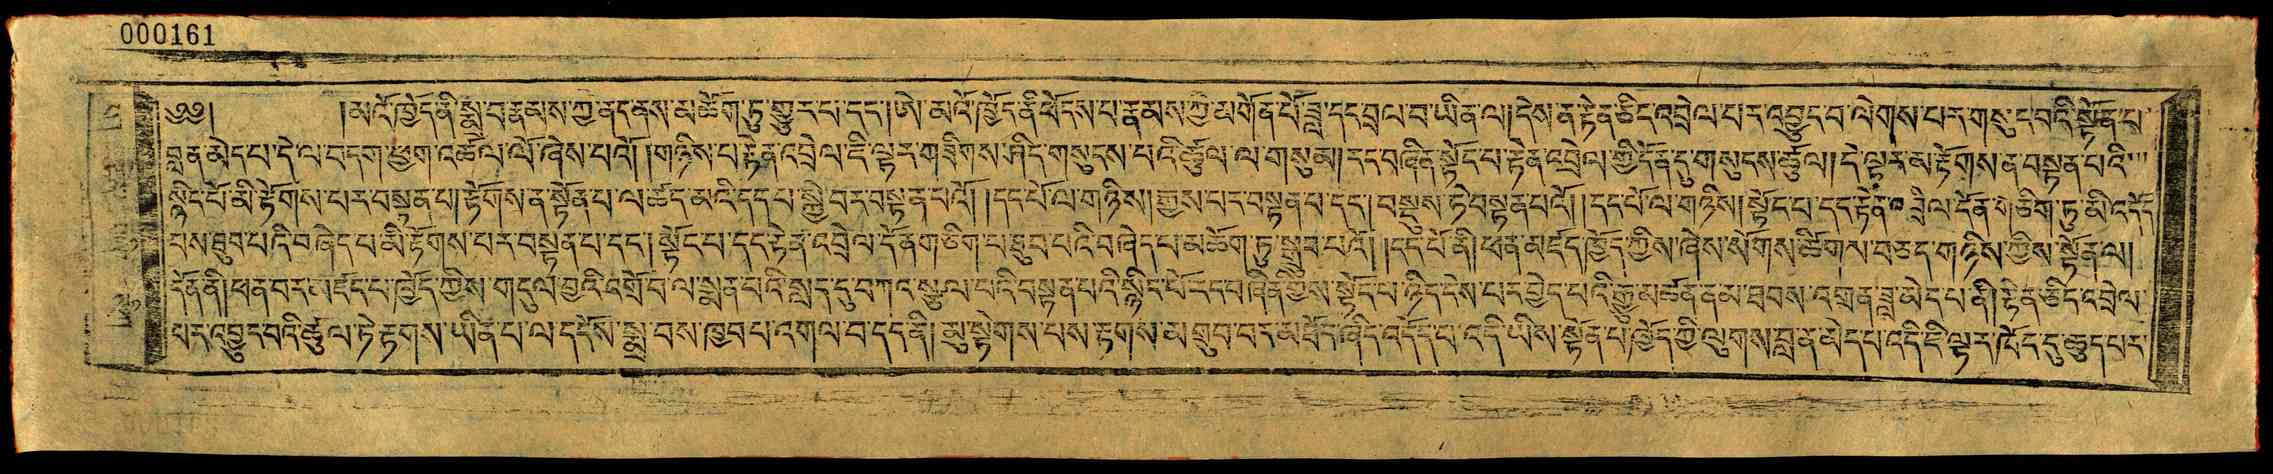༄༅། །མའོ་ཁྱོད་ནི་སྨྲ་བ་རྣམས་ཀྱི་ནང་ནས་མཆོག་ཏུ་གྱུར་པ་དང་། ཨེ་མའོ་ཁྱོད་ནི་ཕོངས་པ་རྣམས་ཀྱི་མགོན་པོ་ཟླ་དང་བྲལ་བ་ཡིན་ལ། དེས་ན་རྟེན་ཅིང་འབྲེལ་པར་འབྱུང་བ་ལེགས་པར་གསུང་བའི་སྟོན་པ་
བླ་ན་མེད་པ་དེ་ལ་བདག་ཕྱག་འཚལ་ལོ་ཞེས་པའོ། །གཉིས་པ་རྟེན་འབྲེལ་ཇི་ལྟར་གཟིགས་ཤིང་གསུངས་པའི་ཚུལ་ལ་གསུམ། རང་བཞིན་སྟོང་པ་རྟེན་འབྲེལ་གྱི་དོན་དུ་གསུངས་ཚུལ། དེ་ལྟར་མ་རྟོགས་ན་བསྟན་པའི་
སྙིང་པོ་མི་རྟོགས་པར་བསྟན་པ། རྟོགས་ན་སྟོན་པ་ལ་ཚད་མའི་དད་པ་སྐྱེ་བར་བསྟན་པའོ། །དང་པོ་ལ་གཉིས། རྒྱས་པར་བསྟན་པ་དང་། བསྡུས་ཏེ་བསྟན་པའོ། །དང་པོ་ལ་གཉིས། སྟོང་པ་དང་རྟེན་འབྲེལ་དོན་གཅིག་ཏུ་མི་འདོད་
པས་ཐུབ་པའི་བཞེད་པ་མི་རྟོགས་པར་བསྟན་པ་དང་། སྟོང་པ་དང་རྟེན་འབྲེལ་དོན་གཅིག་པ་ཐུབ་པའི་བཞེད་པ་མཆོག་ཏུ་སྒྲུབ་པའོ། །དང་པོ་ནི། ཕན་མཛད་ཁྱོད་ཀྱིས་ཞེས་སོགས་ཚིགས་བཅད་གཉིས་ཀྱིས་སྟོན་ལ།
དོན་ནི། ཕན་པར་མཛད་པ་ཁྱོད་ཀྱིས་གདུལ་བྱའི་འགྲོ་བ་ལ་སྨོན་པའི་སླད་དུ་བཀའ་སྩལ་པའི་བསྟན་པའི་སྙིང་པོ་རང་བཞིན་གྱིས་སྟོང་པ་ཉིད་ངེས་པར་བྱེད་པའི་རྒྱུ་མཚན་ནམ་ཐབས་འགྲན་ཟླ་མེད་པ་ནི། རྟེན་ཅིང་འབྲེལ་
པར་འབྱུང་བའི་ཚུལ་ཏེ་རྟགས་ཡིན་པ་ལ་དངོས་སྨྲ་བས་ཁྱབ་པ་འགལ་བ་དང་ནི། མུ་སྟེགས་པས་རྟགས་མ་གྲུབ་པར་མཐོང་ཞིང་འདོད་པ་འདི་ཡིས་སྟོན་པ་ཁྱོད་ཀྱི་ལུགས་བླ་ན་མེད་པ་འདི་ཇི་ལྟར་ཁོང་དུ་ཆུད་པར་